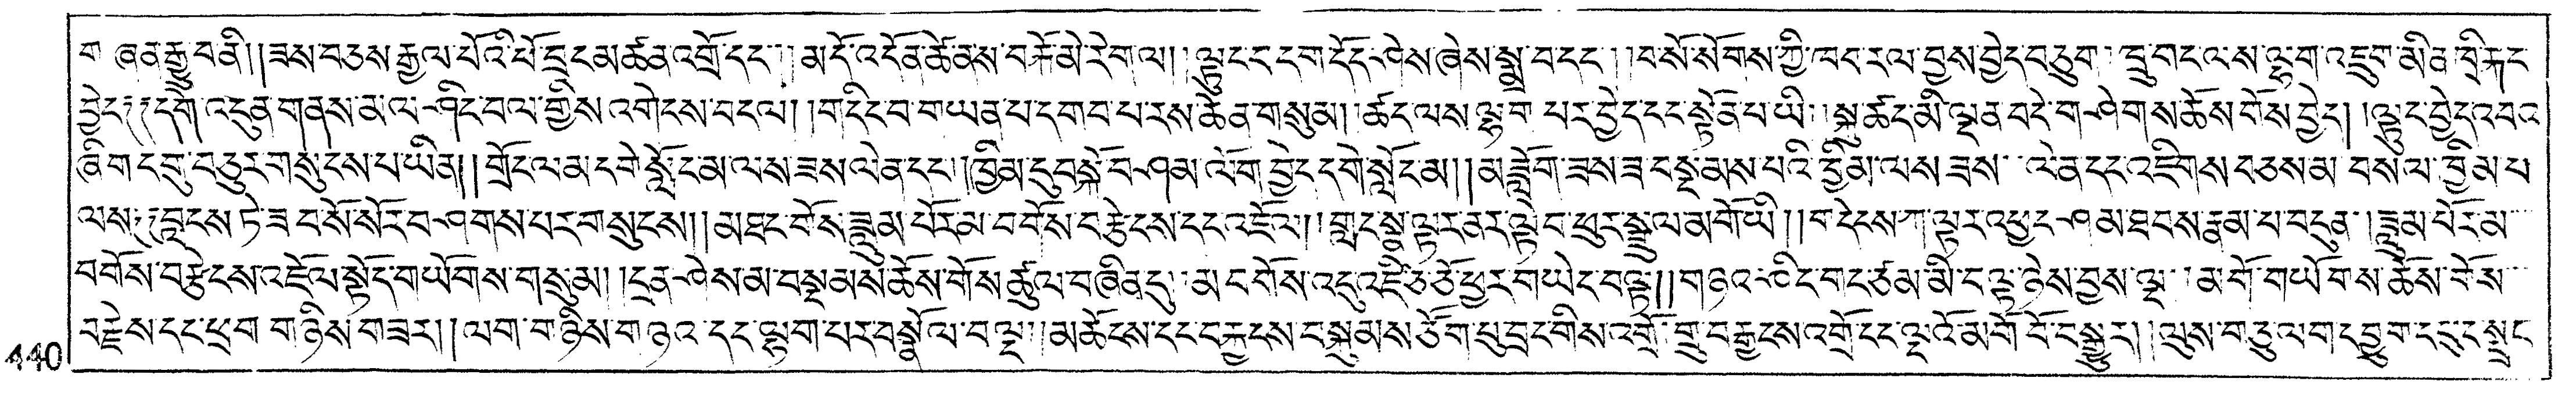གཞན་རྒྱུ་བ་ནི། །ཟས་བཅས་རྒྱལ་པོའི་ཕོ་བྲང་མཚན་འགྲོ་དང་། །མདོ་འདོན་ཚེ་ན་ས་བརྐོ་མེ་རེག་ལ། །ལྟུང་བ་དག་དོད་ཤེས་ཞེས་སྨྲ་བ་དང་། །བ་སོ་སོགས་ཀྱི་ཁབ་རལ་བྱས་བྱེད་བཅུག །ཁྲུ་གང་ལས་ལྷག་འཇུག་མིན་ཁྲི་རྐང་
བྱེད། །དགེ་འདུན་གནས་མལ་ཤིང་བལ་གྱིས་འགེངས་བདལ། །གདིང་བ་གཡན་པ་དགབ་པ་རས་ཆེན་གསུམ། །ཚད་ལས་ལྷག་པར་བྱེད་དང་སྟོན་པ་ཡི། །སྐུ་ཚད་མི་ལྡན་བདེ་གཤེགས་ཆོས་གོས་བྱེད། །ལྟུང་བྱེད་འབའ་
ཞིག་དགུ་བཅུར་གསུངས་པ་ཡིན། །གྲོང་ལམ་དགེ་སློང་མ་ལས་ཟས་ལེན་དང་། །ཁྱིམ་དུ་བསྐོ་བཤམ་ལོག་བྱེད་དགེ་སློང་མ། །མ་ཟློག་ཟས་ཟ་བསྡམས་པའི་ཁྱིམ་ལས་ཟས། །ལེན་དང་འཇིགས་བཅས་མ་བསལ་ཁྱིམ་པ་
ལས། །བླངས་ཏེ་ཟ་བ་སོ་སོར་བཤགས་པར་གསུངས། །མཐང་གོས་ཟླུམ་པོར་མ་བགོས་བརྩེངས་དང་འཇོལ། །གླང་སྣ་ལྟར་ནར་ལྟེ་བ་ཕུར་སྒྲུལ་མགོ་ཡི། །གདེངས་ཀ་ལྟར་འཕྱང་ཤམ་ཐབས་རྣམ་པ་བདུན། །ཟླུམ་པོར་མ་
བགོས་བརྩེངས་འཇོལ་སྟོད་གཡོགས་གསུམ། །དྲན་ཤེས་མ་བསྡམས་ཆོས་གོས་ཚུལ་བཞིན་དུ། །མ་བགོས་འདུ་འཛི་ཅ་ཅོ་ཕྱར་གཡེང་བལྟ། །གཉའ་ཤིང་གང་ཙམ་མི་བལྟ་ཉེས་བྱས་ལྔ། །མགོ་གཡོགས་ཆོས་གོས་
བརྗེས་དང་ཕྲག་གཉིས་གཟར། །ལག་གཉིས་གཉའ་དང་ལྷག་པར་བསྣོལ་བ་ལྔ། །མཆོངས་དང་བརྐྱངས་བསྐུམས་ཙོག་པུ་བྲང་གིས་འགྲོ་།གྲུ་བརྒྱངས་འགྲོ་དང་ལྔའོ་མགོ་བོ་བསྒྱུར། །ལུས་གཅུ་ལག་དབྱུག་དཔུང་སྤྲད་